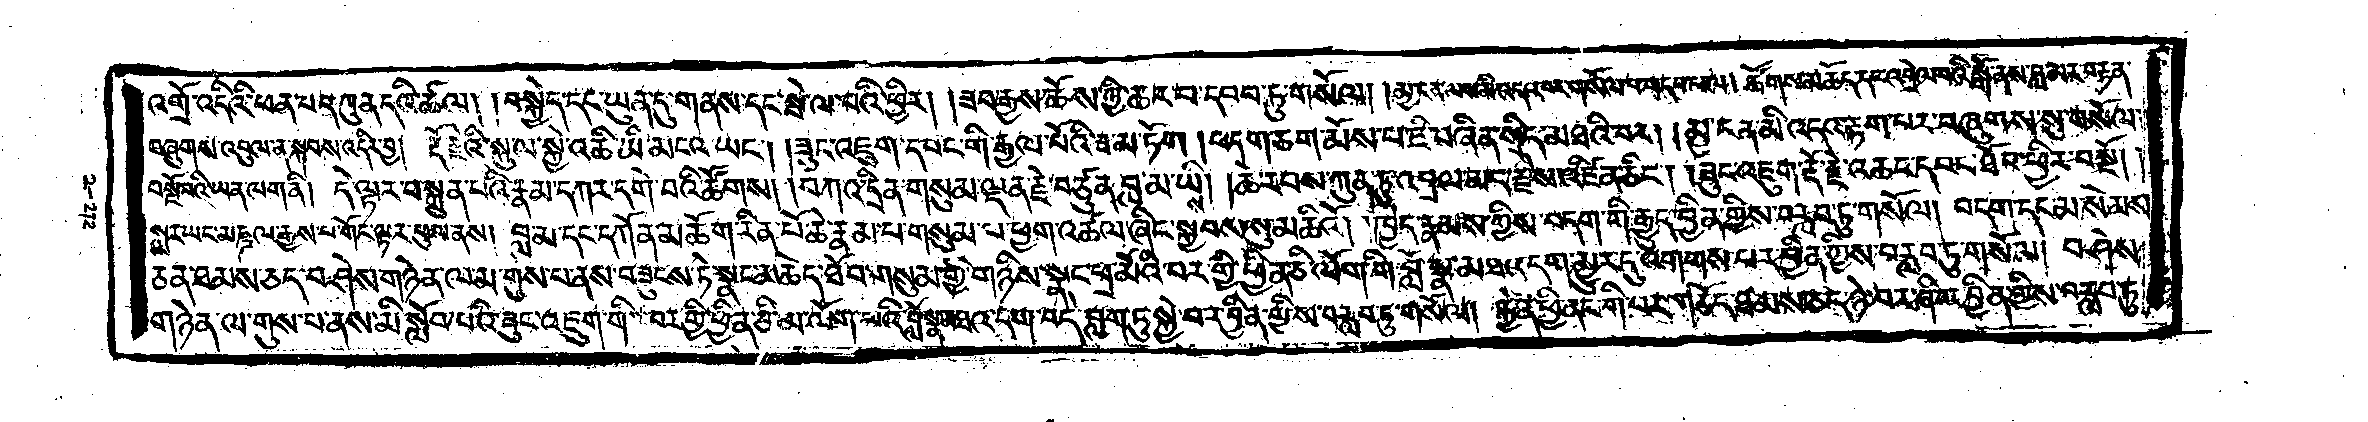འགྲོ་འདིའི་ཕན་པད་ཀུན་དེའི་ཚལ། །བསྐྱེད་དང་ཡུན་དུ་གནས་དང་སྦེལ་བའི་ཕྱིར། །ཟབ་རྒྱས་ཆོས་ཀྱི་ཆར་བ་དབབ་ཏུ་གསོལ། །མྱ་ངན་ལས་མི་འདའ་བར་གསོལ་བ་འདེབ་པ་ལ། ཚོགས་མཆོད་དང་འབྲེལ་བའི་སྒོ་ནས་བླ་མར་བརྟན་
བཞུགས་འབུལ་ན་སྐབས་འདིར་བྱ། རྡོ་རྗེའི་སྐུ་ལ་སྐྱེ་འཆི་ཡི་མངའ་ཡང་། །ཟུང་འཇུག་དབང་གི་རྒྱལ་པོའི་ཟ་མ་རྟོག །བདག་ཅག་མོས་པ་ཇི་བཞིན་སྲིད་མཐའི་བར། །མྱ་ངན་མི་འདའ་རྟག་པར་བཞུགས་སུ་གསོལ་
བསྔོ་བའི་ཡན་ལག་ནི། དེ་ལྟར་བསྐྲུན་པའི་རྣམ་དཀར་དགེ་བའི་ཚོགས། །བཀའ་དྲིན་གསུམ་ལྡན་རྗེ་བཙུན་བླ་མ་ཡིས། །ཚེ་རབས་ཀུན་ཏུ་འབྲལ་མང་རྗེས་འཛིན་ཅིང་། །ཟུང་འཇུག་རྡོ་རྗེ་འཆང་དབང་ཐོབ་ཕྱིར་བསྔོ། །
སླར་ཡང་མཎྡལ་རྒྱས་པ་གོང་ལྟར་ཕུལ་ནས། བླ་མ་དང་དཀོན་མཆོག་རིན་པོ་ཆེ་རྣམས་པ་གསུམ་པ་ཕྱག་འཚལ་ཞིང་སྐྱབས་སུ་མཆིའོ། །ཁྱེད་རྣམས་ཀྱིས་བདག་གི་རྒྱུད་བྱིན་གྱིས་བརླབ་ཏུ་གསོལ། བདག་དང་མ་སེམས་
ཅན་ཐམས་ཅད་བཤེས་གཉེན་ལ་མ་གུས་པ་ནས་བཟུངས་ཏེ་སྣང་མཆེད་ཐོ་བ་གསུམ་གྱི་གཉིས་སྣང་ཕྲ་མོའི་བར་གྱི་ཕྱིན་ཅི་ལོག་གི་བློ་སྣ་མཐའ་དག་མྱུར་དུ་འགགས་པར་བྱིན་གྱིས་བརླབ་ཏུ་གསོལ། བཤེས་
གཉེན་ལ་གུས་པ་ནས་མི་སློབ་པའི་ཟུང་འཇུག་གི་བར་གྱི་ཕྱིན་ཅི་མ་ལོག་པའི་བློ་སྣ་མཐའ་དག་བདེ་བླག་ཏུ་སྐྱེ་བར་བྱིན་གྱིས་བརླབ་ཏུ་གསོལ། སྐྱེན་ཕྱི་ནང་གི་བར་གཅོད་ཐམས་ཅད་ཉེ་བར་ཞི་བར་བྱིན་གྱིས་བརླབ་ཏུ་